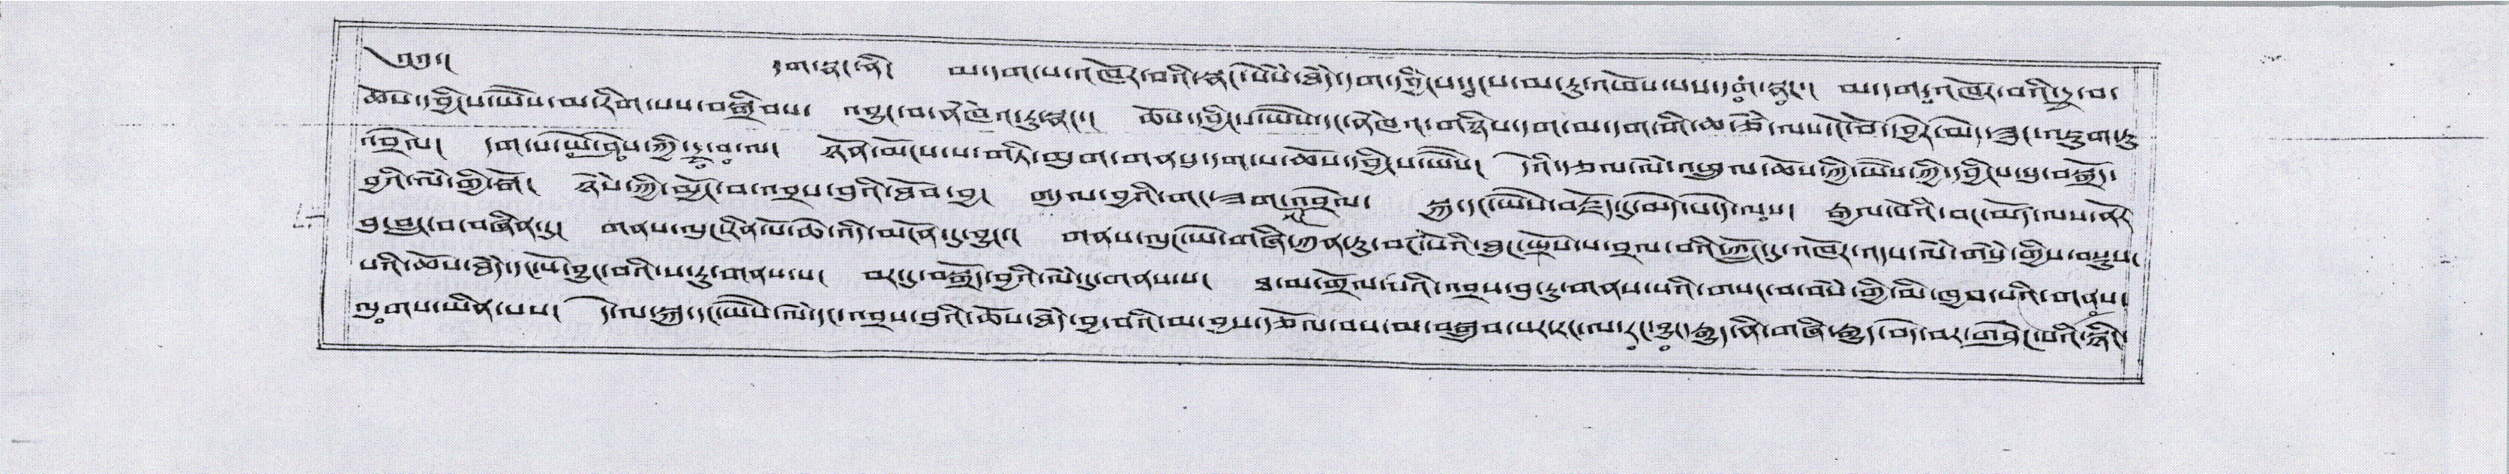༄༅།། དག་སྣང་ནི། མ་དག་པ་འཁོར་བའི་སྣང་སེམས་ཐམས་ཅད་དག་དབྱིངས་དྭངས་མ་རུ་འཕོས་པས་དག་སྣང། མ་དག་པ་འཁོར་བའི་དྲྭ་བ་
ཆོས་དབྱིངས་ཡེ་ཤེས་མ་རིག་པས་བསྒྲིབས། འབྱུང་བ་ནམ་མཁའ་རུ་སྣང། ཆོས་དབྱིངས་ཡེ་ཤེས་དང་ནམ་མཁའ་གཉིས་དག་མ་དག་གི་ཆ་ཙམ་ལས་ངོ་བོ་དབྱེར་མེད་ཟུང་འཇུག་ཏུ་
འབྲེལ། དག་པ་ཡེ་ཤེས་ཀྱི་དྲ་བ་ལ། ཉོན་མོངས་པ་གཏི་མུག་གནས་སུ་དག་པ་ཆོས་དབྱིངས་ཡེ་ཤེས། དེའི་རྩལ་ལམ་འཕྲུལ་ཆོས་ཀྱི་ཡེ་ཤེས་ཀྱི་དབྱིངས་སུ་བསྒྲོད་
བྱའི་ལམ་གྱི་སྒོ། ཉམས་ཀྱི་མྱོང་བ་འབྲས་བུའི་ཐོབ་བྱ། གདུལ་བྱའི་གང་ཟག་སོགས་འབྲེལ། སྐུ་དང་ཡེ་ཤེས་བརྗོད་དུ་མེད་པ་དེ་ལས། རྒྱལ་པོའི་བང་མཛོད་ལས་ནོར་
བུ་བླང་བ་བཞིན་དུ། གནས་ལུགས་རིན་པོ་ཆེ་འདི་མངོན་དུ་བྱུང། གནས་ལུགས་ཡེ་གཞི་ཀུན་ཏུ་བཟང་པོའི་ཐུགས་སྤྲོས་པ་བྲལ་བའི་ཀློང་དུ་འཁོར་འདས་ལམ་གསུམ་གྱིས་བསྡུས་
པའི་ཆོས་ཐམས་ཅད་དང་པོ་བྱུང་བའི་ས་རུ་གནས་པ། བར་དུ་བསྒྲོད་བྱའི་ལམ་དུ་གནས་པ། ཐ་མ་གྲོལ་བའི་འབྲས་བུ་རུ་གནས་པའི་གསང་བ་བསམ་གྱི་མི་ཁྱབ་པའི་གནས་
ལུགས་ཡིན་པས། དེ་ལ་སྐུ་དང་ཡེ་ཤེས་ལམ་དང་འབྲས་བུའི་ཆོས་ཐམས་ཅད་བྱ་བའི་མ་བྱས་རྩོལ་བས་མ་བསྒྲུབ་པར་རང་ལ་རང་བྱུང་རྒྱུད་ནི་གཞི་རྒྱུད་བདེ་བར་གཤེགས་པའི་སྙིང་